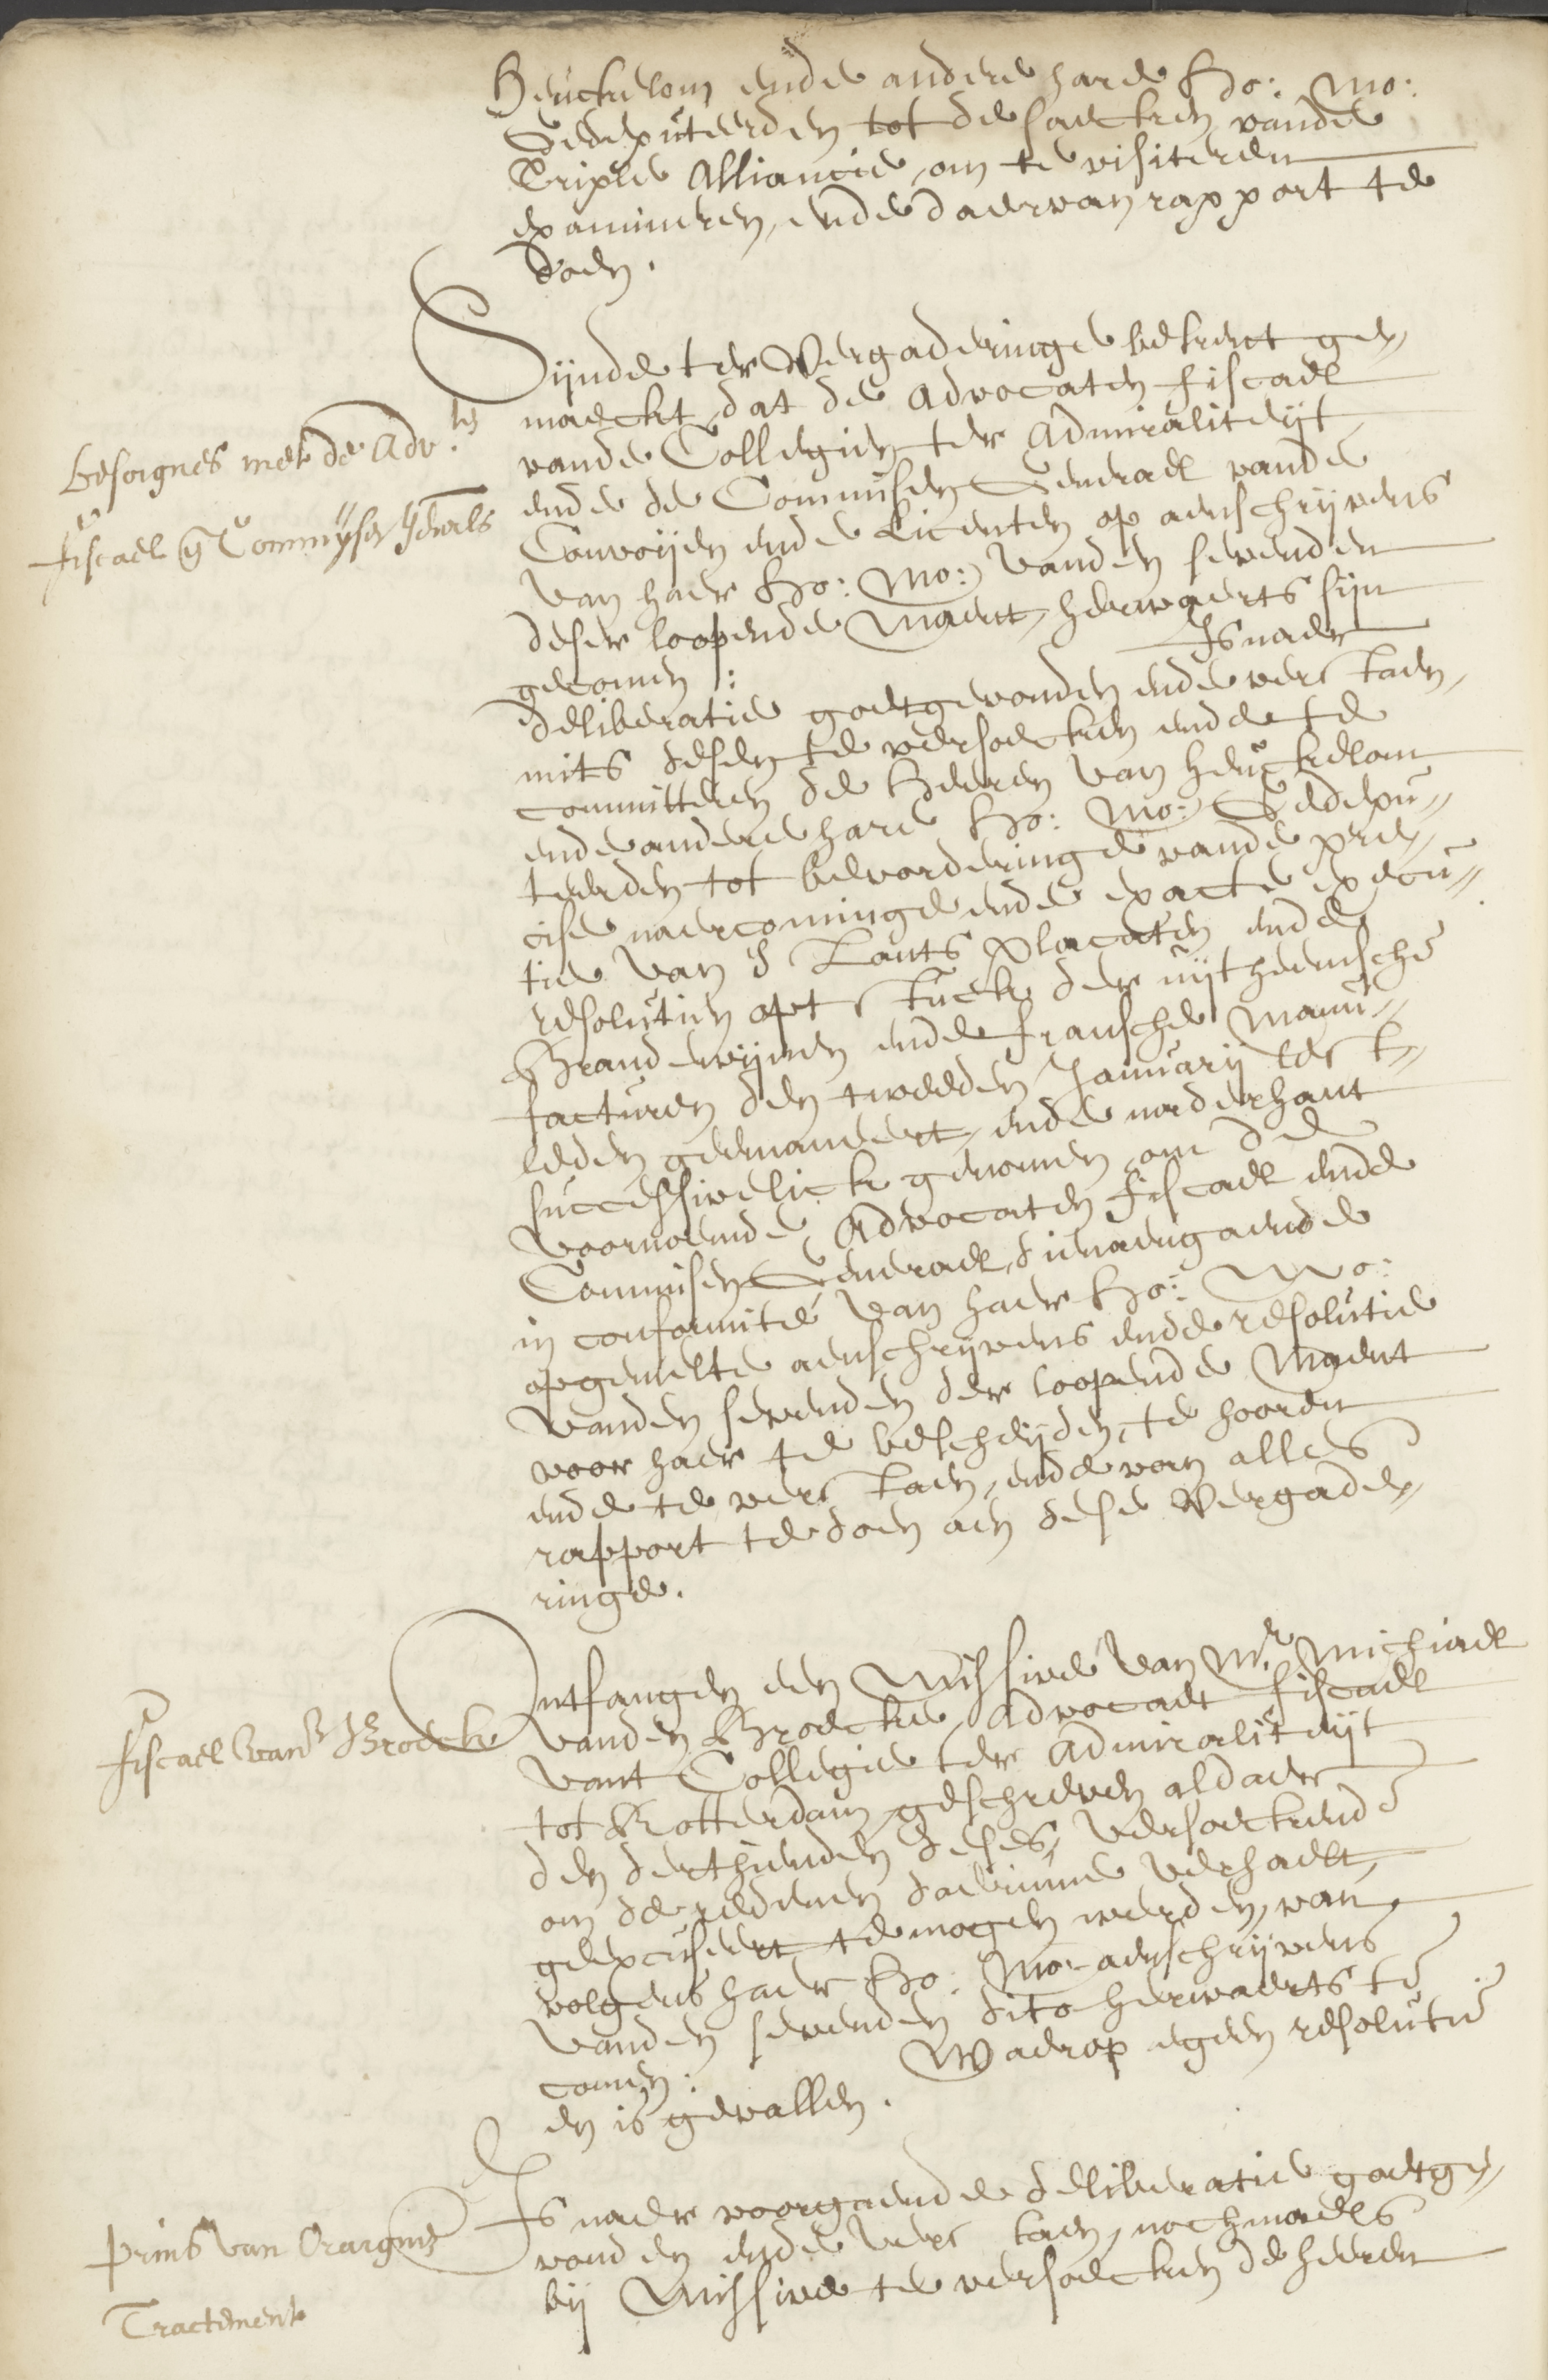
Heuckelom ende andere hare Ho:Mo:
Gedeputeerden tot de saecken vande
Triple Alliancie, om te visiteren,
examineren, ende daervan rapport te
doen.
besoignes met de Advten.
Fiscael & Commijsen Genals
Sijnde ter Vergaderinge bekent ge„
maeckt, dat de Advocaten fiscael
vande Collegien ter Admiraliteijt
ende de Commisen Generael vande
Convoijen ende Licenten op aenschrijvens
van haer Ho:Mo: vanden sevenden
deser loopende maent, herwaerts sijn
gecomen: Is naer
deliberatie goetgevonden ende verstaen,
mits desen te versoecken ende te
committeren de Heeren van heuckelom
ende andere hare Ho:Mo: Gedepu„
teerden tot bevorderinge vande pre„
cise naercominge ende exacte execu„
tie van ‛s Lants placaten ende
resolutien opt stuck der uijtheemsche
Brandewijnen ende fransche manu„
facturen den tweeden Januarij lest„
leden geemaneert, ende naderhant
successivelick genomen om de
voornoemde Advocaten Fiscael ende
Commisen Generael, dienaengaende
in conformité van haer Ho:Mo:
opgemelte aenschrijvens ende resolutie
vanden sevenden der loopende Maent
voor haer te bescheijden, te hooren
ende te verstaen, ende van alles
rapport te doen aen dese Vergade„
ringe.
Fiscael van Broeck
Ontfangen een Missive van Mr. Michiael
vanden Broecke, Advocaet fiscael
vant Collegie ter Admiraliteijt
tot Rotterdam, geschreven aldaer
den derthienden deses, versoeckende
om de redenen daerinne verhaelt,
geexcuseert te mogen werden, van
volgens haer Ho:Mo: aenschrijvens
vanden sevenden dito herwaerts te
comen: Waerop egeen resolutie
en is gevallen.
Prins van Orangnen
Tractement
Is naer voorgaende deliberatie goetge„
vonden ende verstaen, nochmaels
bij Missive te versoecken de heeren
